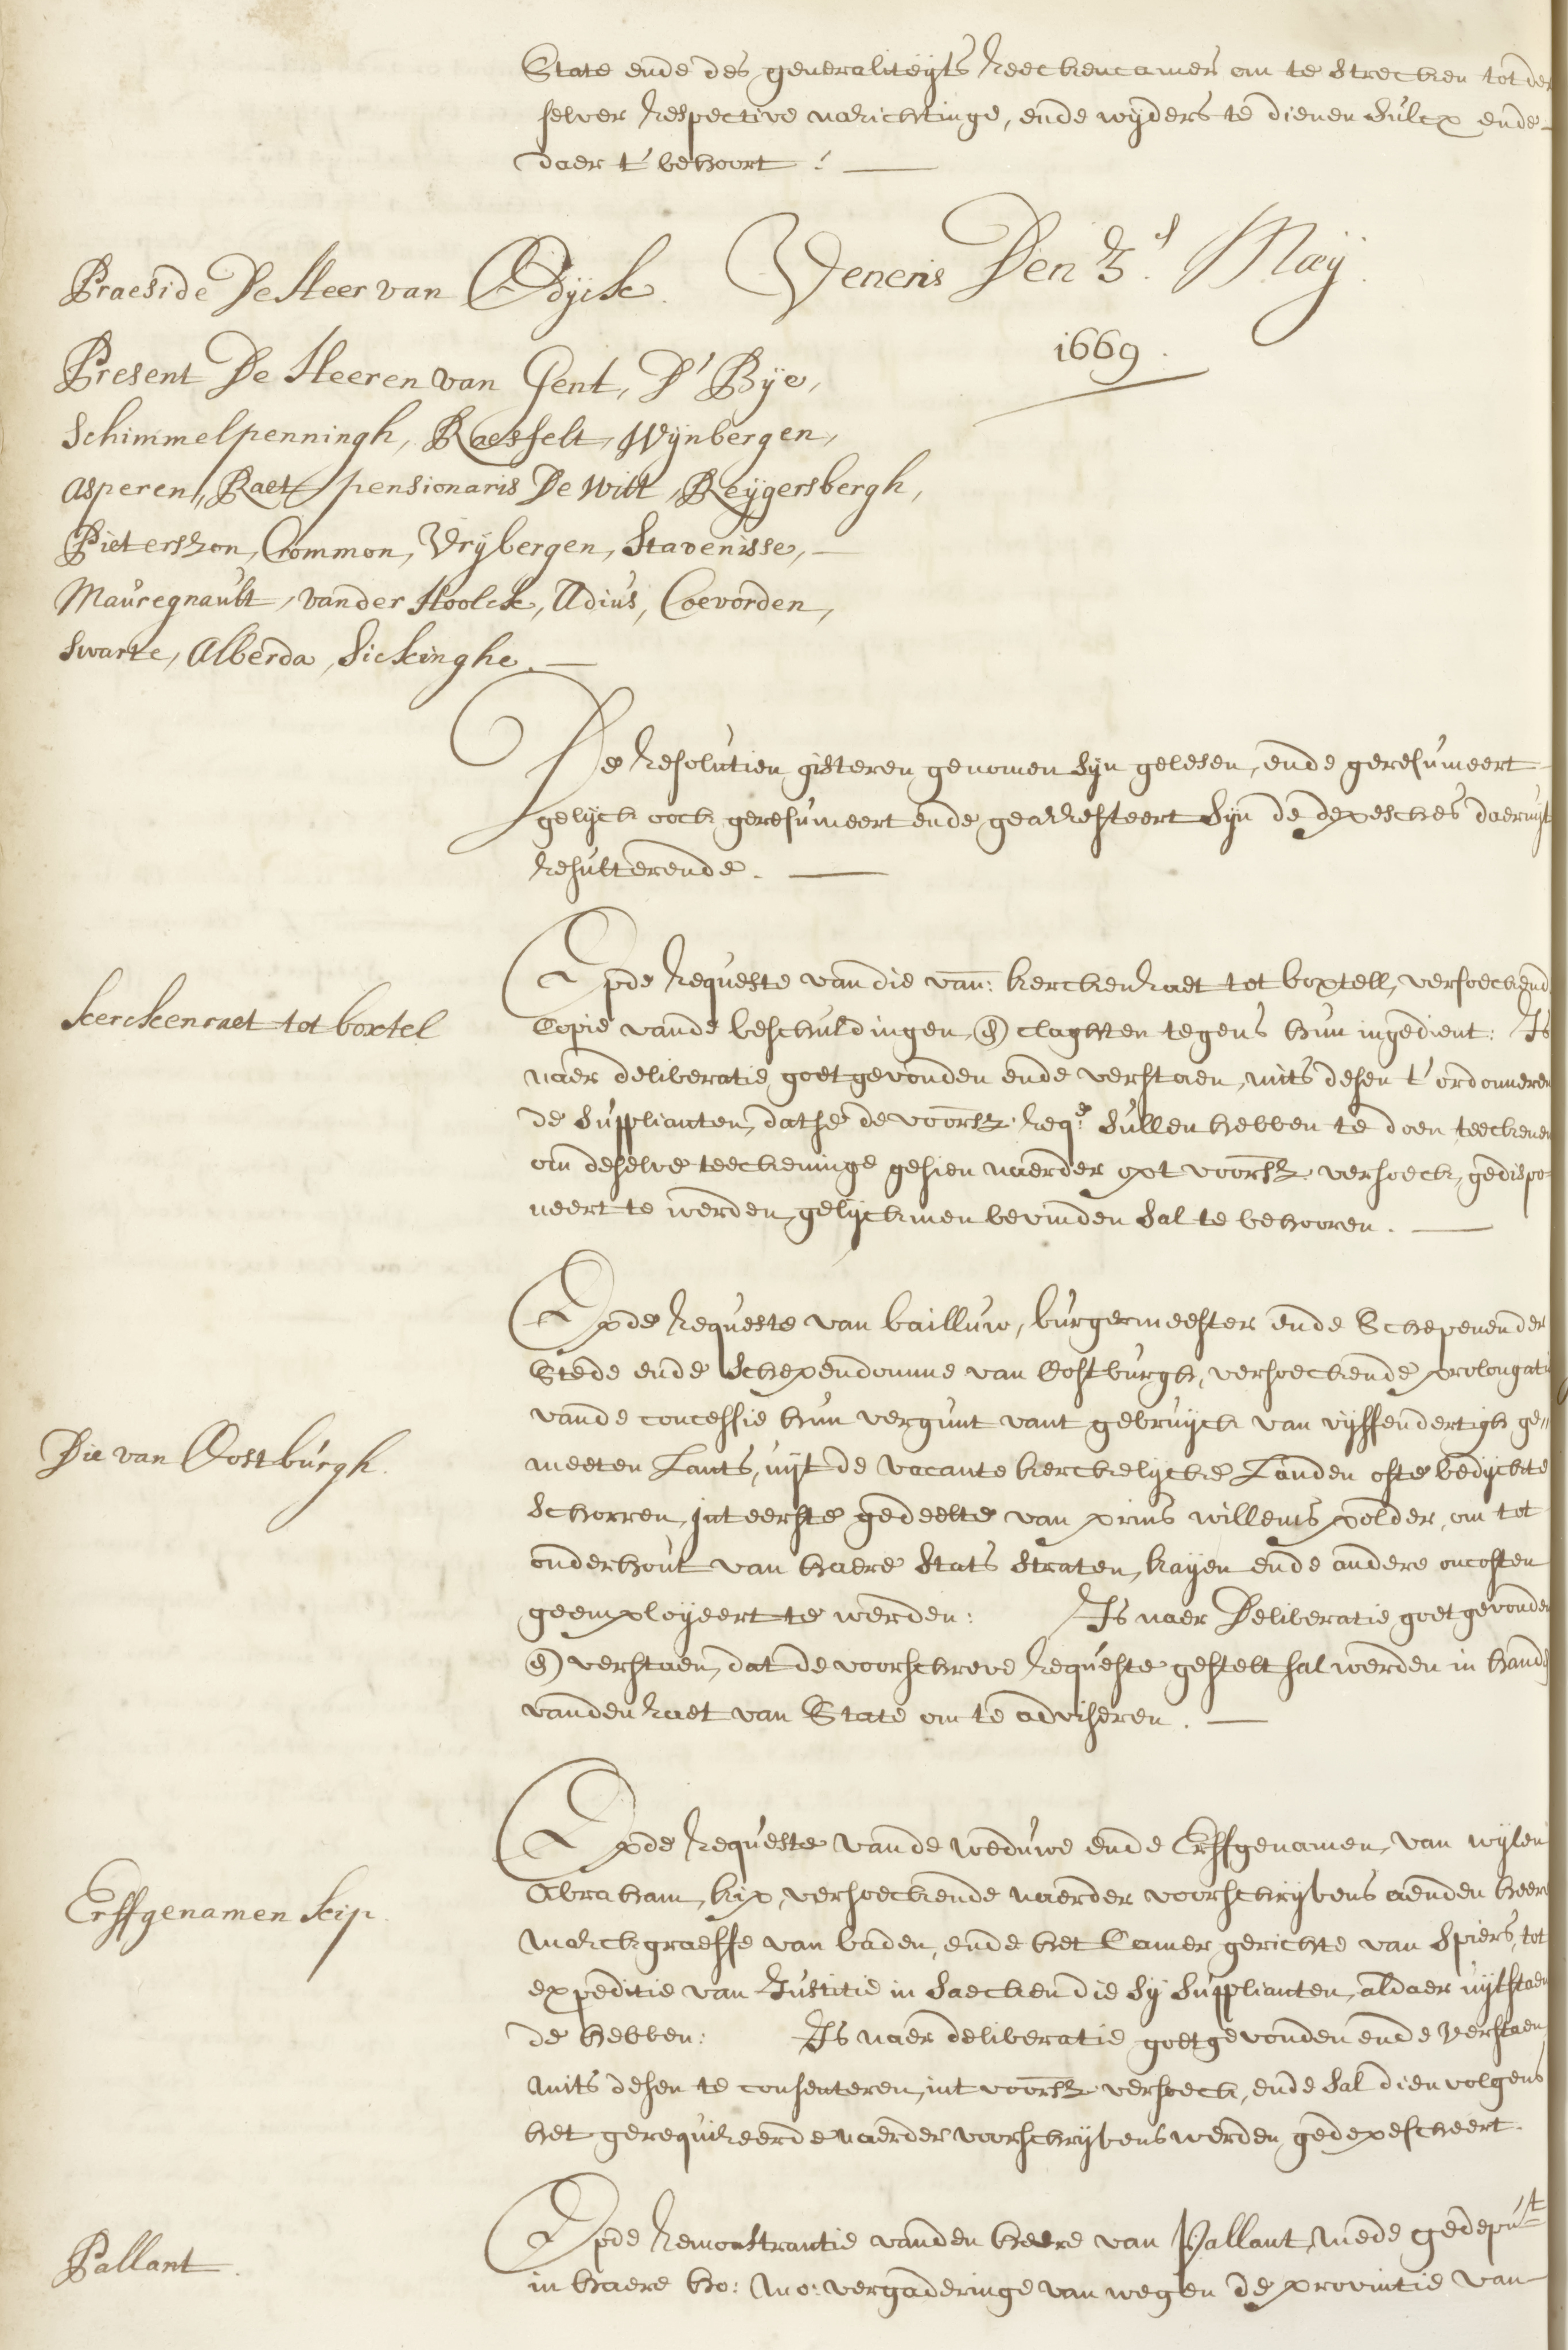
State ende des generaliteijts Reeckencamer om te strecken tot de
selver respective narichtinge, ende wijders te dienen Sulcx ende —
daer t' behoort:
Veneris Den 3en. Maij
1669
Praeside de Heer van Odijk,
Present De Heeren van Gent, D' Bije,
Schimmelpenningh, Raesfelt, Wijnbergen,
Asperen, Raet pensionaris De Witt, Reijgersbergh,
Pieterszon, Crommon, Vrijbergen, Stavenisse,
Mauregnault, van der Hoolck, Adius, Coevorden,
Swarte, Alberda, Sickinghe. —
De resolutien gisteren genomen sijn gelesen, ende geresumeert,
gelijck oock geresumeert ende gearresteert Sijn de depesches daeruijt
resulterende.
kerckenraet tot boxtel
Opde Requeste van die van: kerckenraet tot boxtell, versoeckend
Copie vande beschuldingen, & claghten tegens hun ingedient: Is
naer deliberatie goetgevonden ende verstaen, mits desen t'ordonneren
de Supplianten, datse de voorsr: reqe. sullen hebben te doen teeckenen
om deselve teeckeninge gesien naerder opt voorsr. versoeck, gedispo,,
neert te werden gelijck men bevinden sal te behooren. —
Die van Oostburgh.
Opde Requeste van bailluw, burgermeester ende Schepenen der
Stede ende Schependomme van Oostburgh, versoeckende prolongatie
vande concessie hun vergunt vant gebruijck van vijffendertigh ge,,
meeten Lants, uijt de vacante kerckelijcke Landen ofte bedijckten
schorren, int eerste gedeelte van prins willems polder, om tot
onderhout van haere stats straten, kaijen ende andere oncosten
geemploijeert te werden: Is naer Deliberatie goetgevonden
& verstaen, dat de voorschreve Requeste gestelt sal werden in handen
van den Raet van State om te adviseren. —
Erffgenamen kip.
Opde Requeste van de weduwe ende Erffgenamen van wijlen
Abraham kip, versoeckende naerder voorschrijvens aenden heer
Marckgraeffe van baden, ende het Camer gerichte van Spiers, tot
expeditie van Justitie in Saecken die sij Supplianten, aldaer uijtstaen
de hebben: Is naer deliberatie goetgevonden ende verstaen
mits desen te consenteren, int voorsr. versoeck, ende sal dienvolgens
het gerequireerde naerder voorschrijvens werden gedepescheert.
Pallant
Opde Remonstrantie vanden Heere van Pallant mede gedeput
in haere Ho:Mo: vergaderinge van wegen de provintie van
